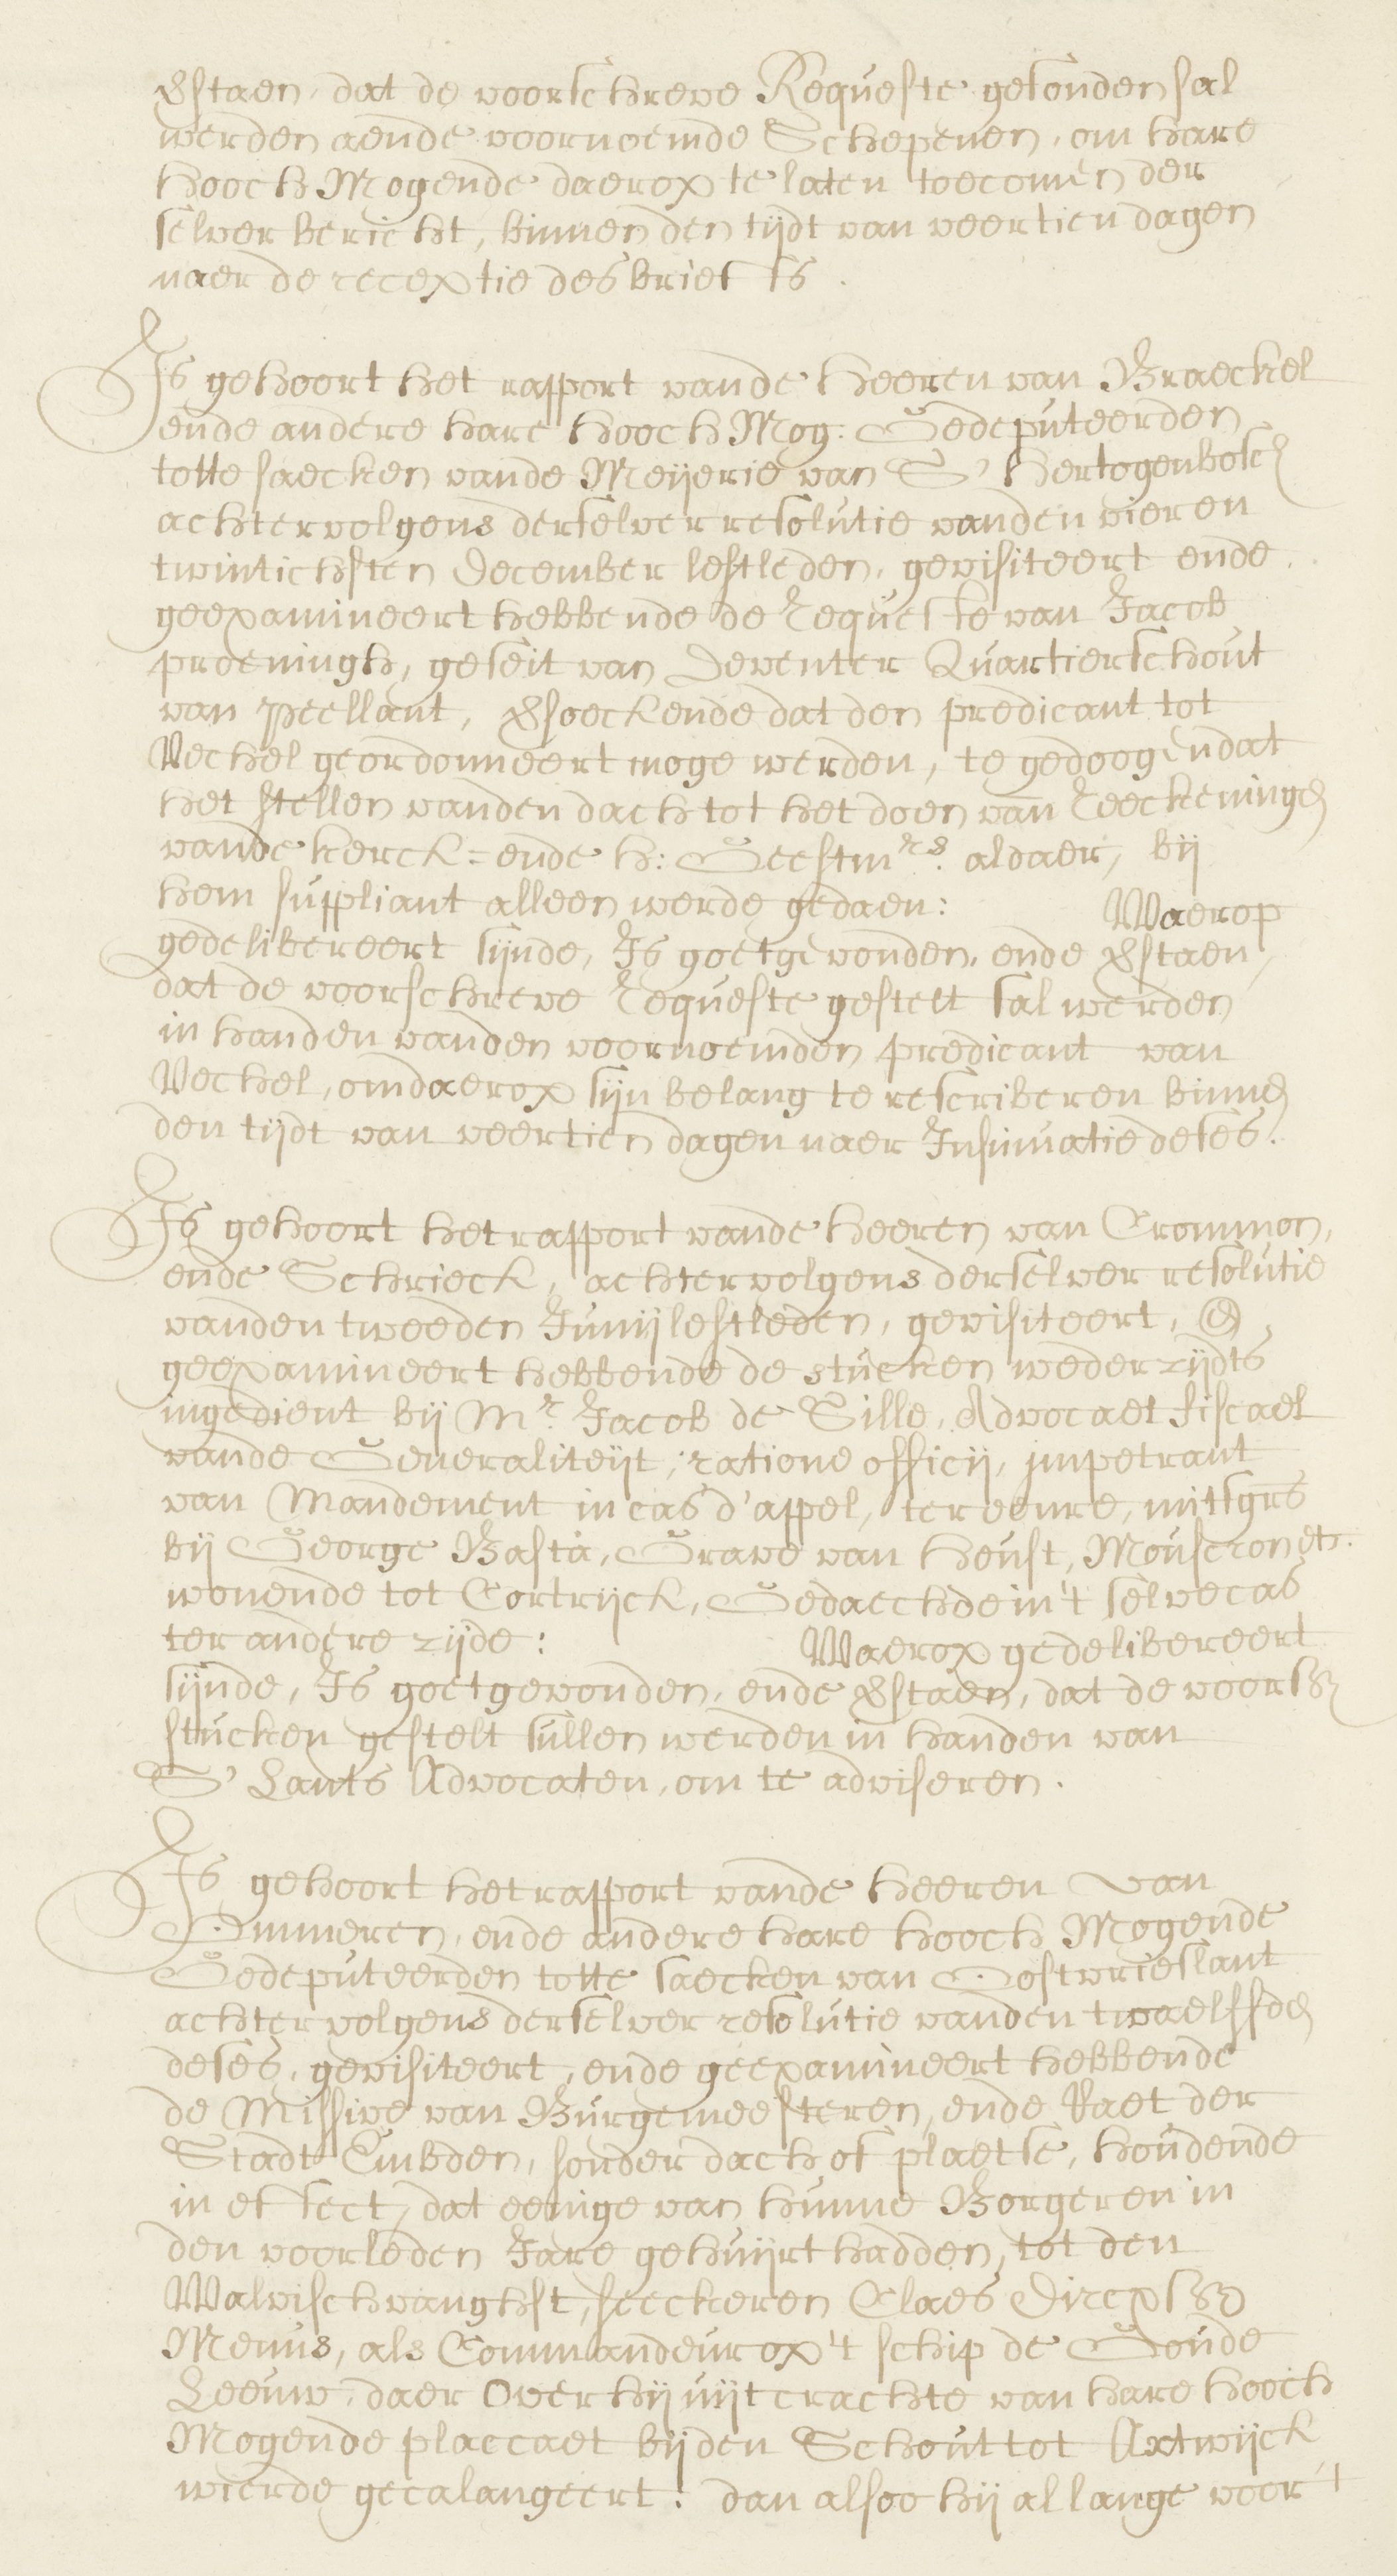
vstaen, dat de voorschreve Requeste gesonden sal
werden aende voornoemde Schepenen, om hare
hooch mogende daerop te laten toecomen der
selver bericht, binnen den tijdt van veertien dagen
naer de receptie des brieffs.
Is gehoort het rapport vande Heeren van Braeckel
ende andere hare Hooch Mog: Gedeputeerden
totte saecken vande Meijerie van S'Hertogenbosch
achtervolgens derselver resolutie vanden vieren
twintichsten December lestleden, gevisiteert ende
geexamineert hebbende de Requeste van Jacob
proeningh, geseit van Deventer Quartierschout
van Peellant, vsoeckende dat den predicant tot
Vechel geordonneert moge werden, te gedoogen dat
het stellen vanden dach tot het doen van Reeckeningen
vande kerck, ende h: Geestm.rs aldaer, bij
hem suppliant alleen werde gedaen: Waerop
gedelibereert sijnde, Is goetgevonden, ende vstaen
dat de voorschreve Requeste gestelt sal werden
in handen vanden voornoemden predicant van
Vechel, omdaerop sijn belang te rescriberen binnen
den tijdt van veertien dagen naer Insinuatie deses.
Is gehoort het rapport vande heeren van Crommen,
ende Schrieck, achtervolgens derselver resolutie
vanden tweeden Junij lestleden, gevisiteert, &
geexamineert hebbende de stucken wederzijdts
ingedient bij Mr. Jacob de Sille, Advocaet Fiscael
vande Generaliteijt, ratione officij, impetrant
van Mandement in cas d'appel, ter eenre, mitsgrs
bij George Basta, Grave van Heust, Mouscron etc.
wonende tot Cortrijck, Gedaechde in't selve cas
ter andere zijde: Waerop gedelibereert
sijnde, is goetgevonden, ende vstaen, dat de voors
stucken gestelt sullen werden in handen van
S'Lants Advocaten, om te adviseren.
Is gehoort het rapport vande heeren van
Ommeren, ende andere hare hooch Mogende
Gedeputeerden totte saecken van Oostvrieslant
achtervolgens derselver resolutie vanden twaelffden
deses, gevisiteert, ende geexamineert hebbende
de missive van Burgemeesteren, ende Raet der
Stadt Embden, sonder dach of plaetse, houdende
in effect, dat eenige van hunne Borgeren in
den voorleden jare gehuijrt hadden tot den
Walvischvanghst, seeckeren Claes Dircxsz
Menus, als Commandeur op 't schip de Goude
Leeuw, daer over hij uijt crachte van hare hooch
Mogende placcaet bijden Schout tot Axtwijck
wierde gecalangeert, dan alsoo hij allange voor t
